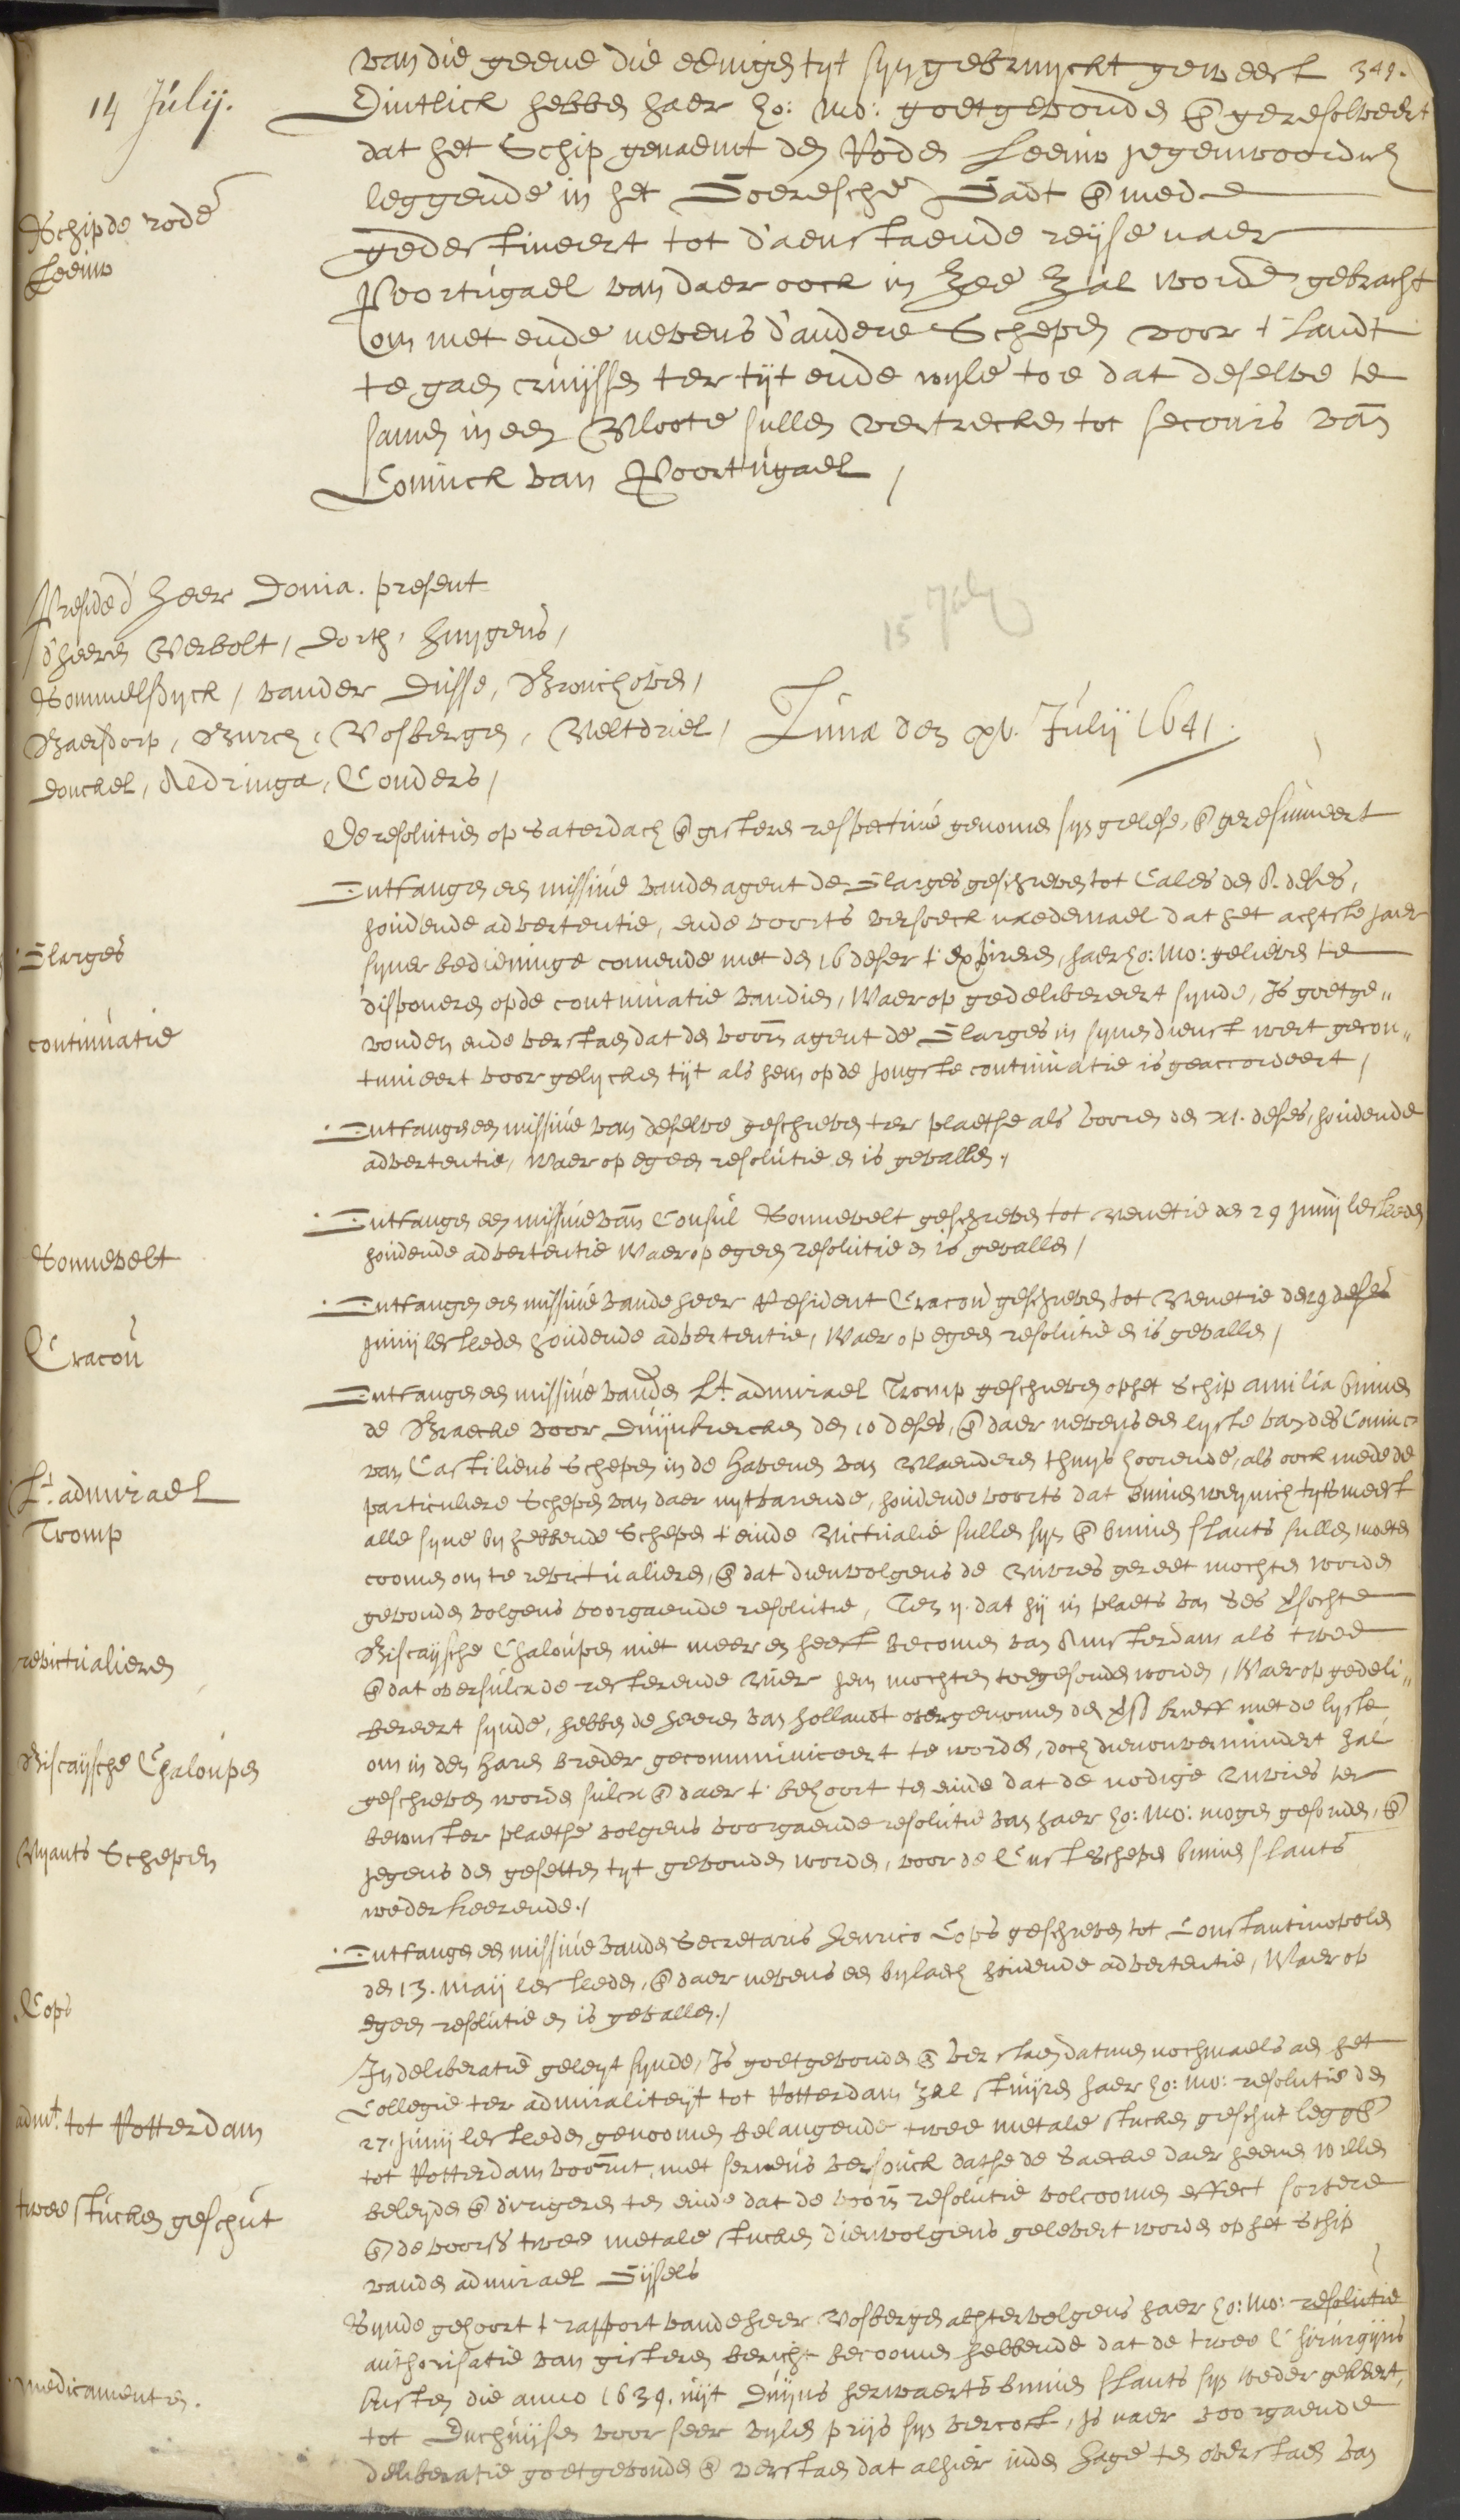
349.
14 Julij.
Schip de rode
Leeuw
van die geene die eenigen tyt syn gebruyckt geweest
Eintlick hebben haer ho:mo: goetgevonden & geresolveert
dat het Schip genaemt den Roden Leeuw jegenwoordich
leggende in het Goeresche Gadt & mede
gedestineert tot d‛aenstaende reijse naer
Poortugael van daer oock in Zee Zal worden gebracht
om met ende nevens d‛andere Schepen voor t‛ Landt
te gaen cruijssen ter tijt ende wyle toe dat deselve te
samen in een Vloote sullen vertrecken tot secours van
Coninck van Poortugael.
Lunæ den xv. Julij 1641.
Preside d‛ heer Donia. present
d‛heeren Verbolt, Dorth, Huygens,
Sommelsdyck, vander Dusse, Brouchoven,
Baersdorp, Burch, Vosbergen, Veltdriel,
Donckel, Aldringa, Conders.
De resolutien op saterdach & gisteren respectiue genomen syn gelese, & geresumeert
Glarges
continuatie
Ontfangen een missiue vanden agent de Glarges geschreven tot Cales den 8. deses,
houdende advertentie, ende voorts versoeck naedermael dat het achtste jaer
syner bedieninge comende met den 16 deser t‛expireren, haer ho:Mo: gelieven te
disponeren opde continuatie vandien, Waerop gedelibereert synde, Is goetge„
vonden ende verstaen dat den voorn agent de Glarges in synen dienst wert gecon„
tinueert voor gelycken tijt als hem opde jongste continuatie is geaccordeert.
Ontfangen een missiue van deselve geschreven ter plaetse als vooren den xi. deses, houdende
advertentie, Waer op egeen resolutie en is gevallen.
Sonnevelt
Ontfangen een missiue van Consul Sonnevelt geschreven tot Venetie den 29 junij lestleden
houdende advertentie Waerop egeen resolutie en is gevallen.
Cracou
Ontfangen een missiue vande heer Resident Cracou geschreven tot Venetie den 29 deses
junij lestleden houdende advertentie, Waer op egeen resolutie en is gevallen.
Lt. admirael
Tromp
revictualieren
Biscaijsche Chaloupen
Vyants Schepen
Ontfangen een missiue vanden Lt. admirael Tromp geschreven ophet schip amilia binnen
de Braecke voor Duijnkercken den 10 deses, & daer nevens een lyste van des coninc
van Castiliens schepen in de havens van Vlaenderen thuys hoorende, als oock mede de
particuliere schepen van daer uytvarende, houdende voorts dat binnen weynich tyts meest
alle syne byhebbende schepen t·einde victualie sullen syn & binnen sLants sullen moeten
coomen om te revictualieren, & dat dienvolgens de vivres gereet mochten worden
gevonden volgens voorgaende resolutie, Tenzy dat hij in plaets van ses vsochte
Biscaijsche Chaloupen niet meer en heeft becomen van Amsterdam als twee
& dat over sulcx de resterende vier hem mochten toegesonden worden, Waerop gedeli„
bereert synde, hebben de heeren van hollandt overgenomen den vs brieff met de lyste
om in den haren breder gecommuniceert te worden, doch dienonvermindert zal
geschreven worden sulcx & daer t‛behoort ten einde dat de nodige vivres ter
bewuster plaetse volgens voorgaende resolutie van haer ho:Mo: mogen gesonden, &
jegens den gesetten tyt gevonden worden, voor de Custschepen binnen sLants
wederkeerende.
Cops
Ontfangen een missiue vanden Secretaris Henrico Cops geschreven tot Constantinopolen
den 13. Maij lestleden, & daer nevens een bylaech houdende advertentie, Waerop
egeen resolutie en is gevallen.
admt. tot Rotterdam
twee stucken geschut
In deliberatie geleyt synde, Is goetgevonden & verstaen dat men nochmaels aen het
Collegie ter admiraliteyt tot Rotterdam zal stuijren haer ho:mo: resolutie den
27. junij lestleden genoomen belangende twee metale stucken geschut legge
tot Rotterdam voornt, met serieus versouck datse de saecke daer heenen willen
beleyden & dirigeren ten einde dat de voorn resolutie volcoomen effect sortere
& de voors twee metale stucken dienvolgens gelevert worden op het schip
vanden admirael Gijsels
medicamenten.
Synde gehoort t rapport vande heer Vosbergen achtervolgens haer ho:Mo: resolutie
authorisatie van gisteren bericht becoomen hebbende dat de twee Chirugijns
kisten die anno 1639. uijt Duijns herwaerts binnen sLants syn weder gekeert,
tot Enchuijsen voor seer vylen prijs syn vercoft, Is naer voorgaende
deliberatie goetgevonden & verstaen dat alhier inde Hage ten overstaen van
